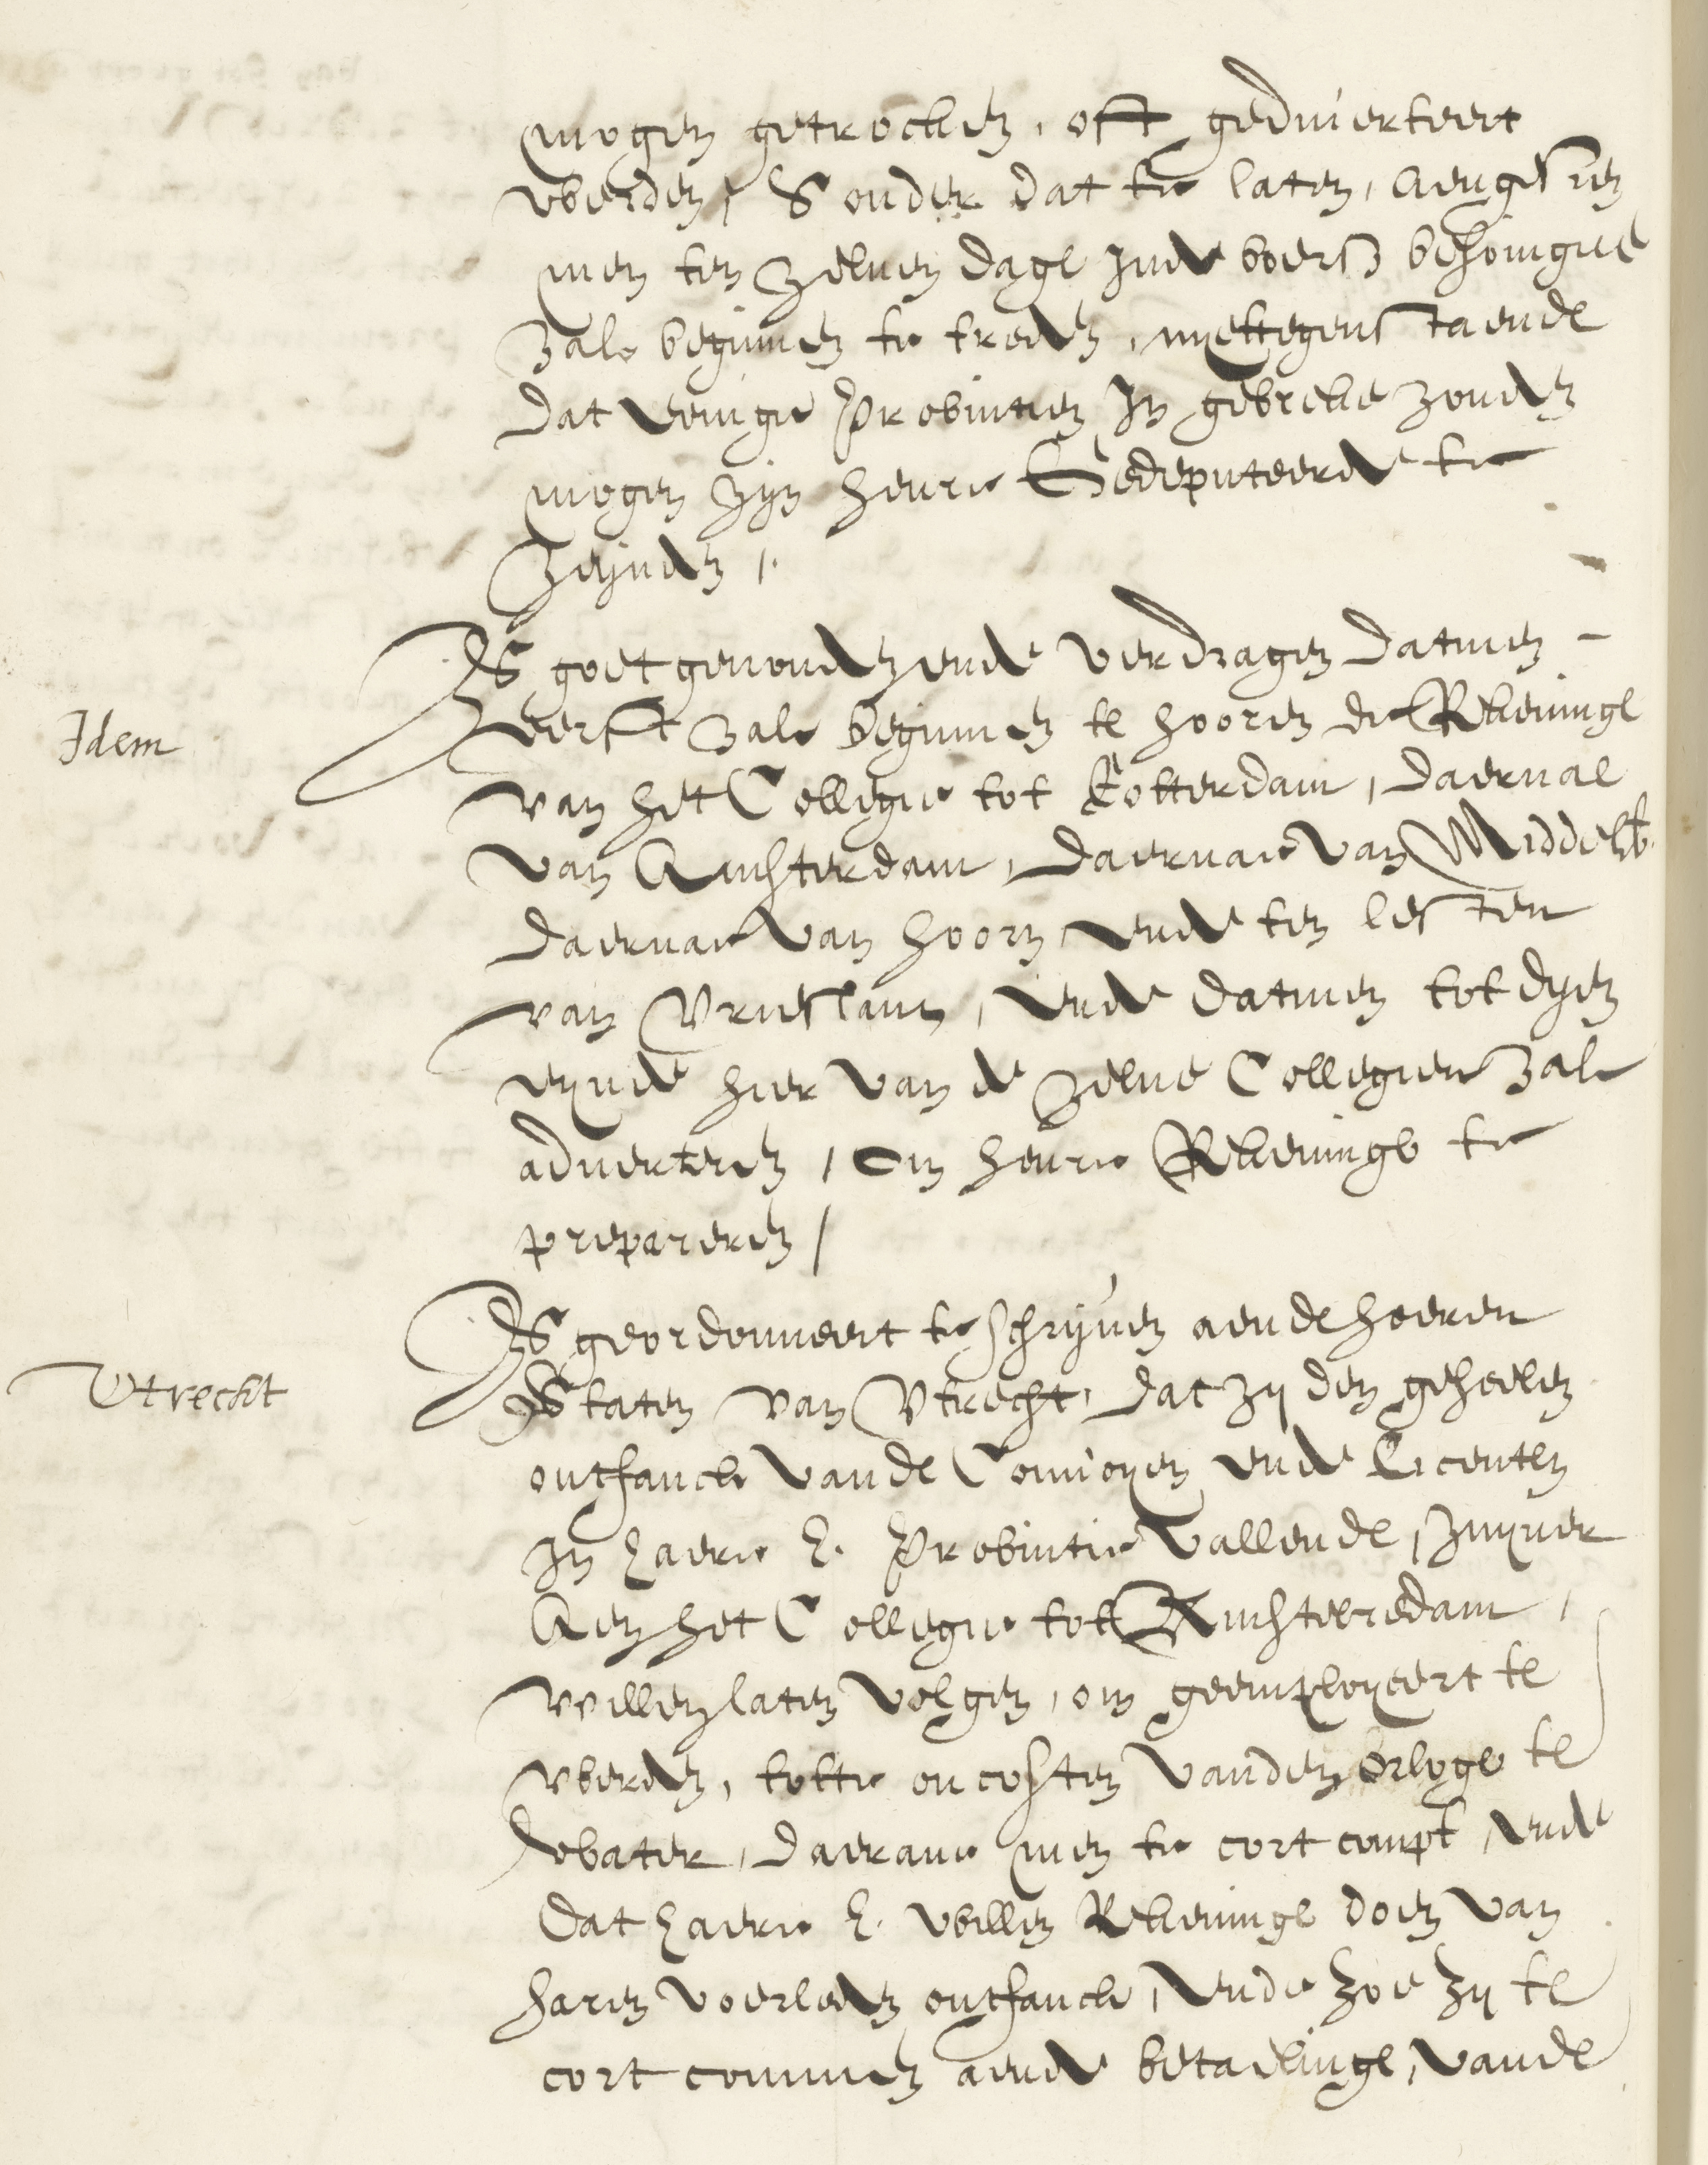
mogen getrocken, oft gediuerteert
werden, sonder dat te laten, aengesien
men ten zelven dage inde voers besoingne
zal beginnen te treden, nyettegenstaende
dat eenige provintien In gebreke zouden
mogen zyn heure Gedeputeerde te
zeynden.
Idem
Is goetgeuonden ende verdragen datmen -
eerst zal beginnen te hooren de Rekeninge
van het Collegie tot Rotterdam, daernae
van Amsterdam, daernae van Middelb.
daernae van Hoorn ende ten lesten
van Vrieslant, ende datmen tot dyen
eynde hier van de zelue Collegien zal
aduerteren, om heure Rekeninge te
prepareren.
Utrecht
Is geordonneert te schrijuen aende heeren
Staten van Utrecht, dat zy den geheelen
ontfanck vande Conuoyen ende Licenten
In haere E. Provintie vallende zuyuer
aen het Collegie tot Amstelredam,
willen laten volgen, om geemployeert te
werden, totte oncosten vanden Orloge te
water, daerane men te cort compt, ende
dat haere E. willen Rekeninge doen van
haren voerleden ontfanck, ende zoe zy te
cort commen aende betaelinge, vande
